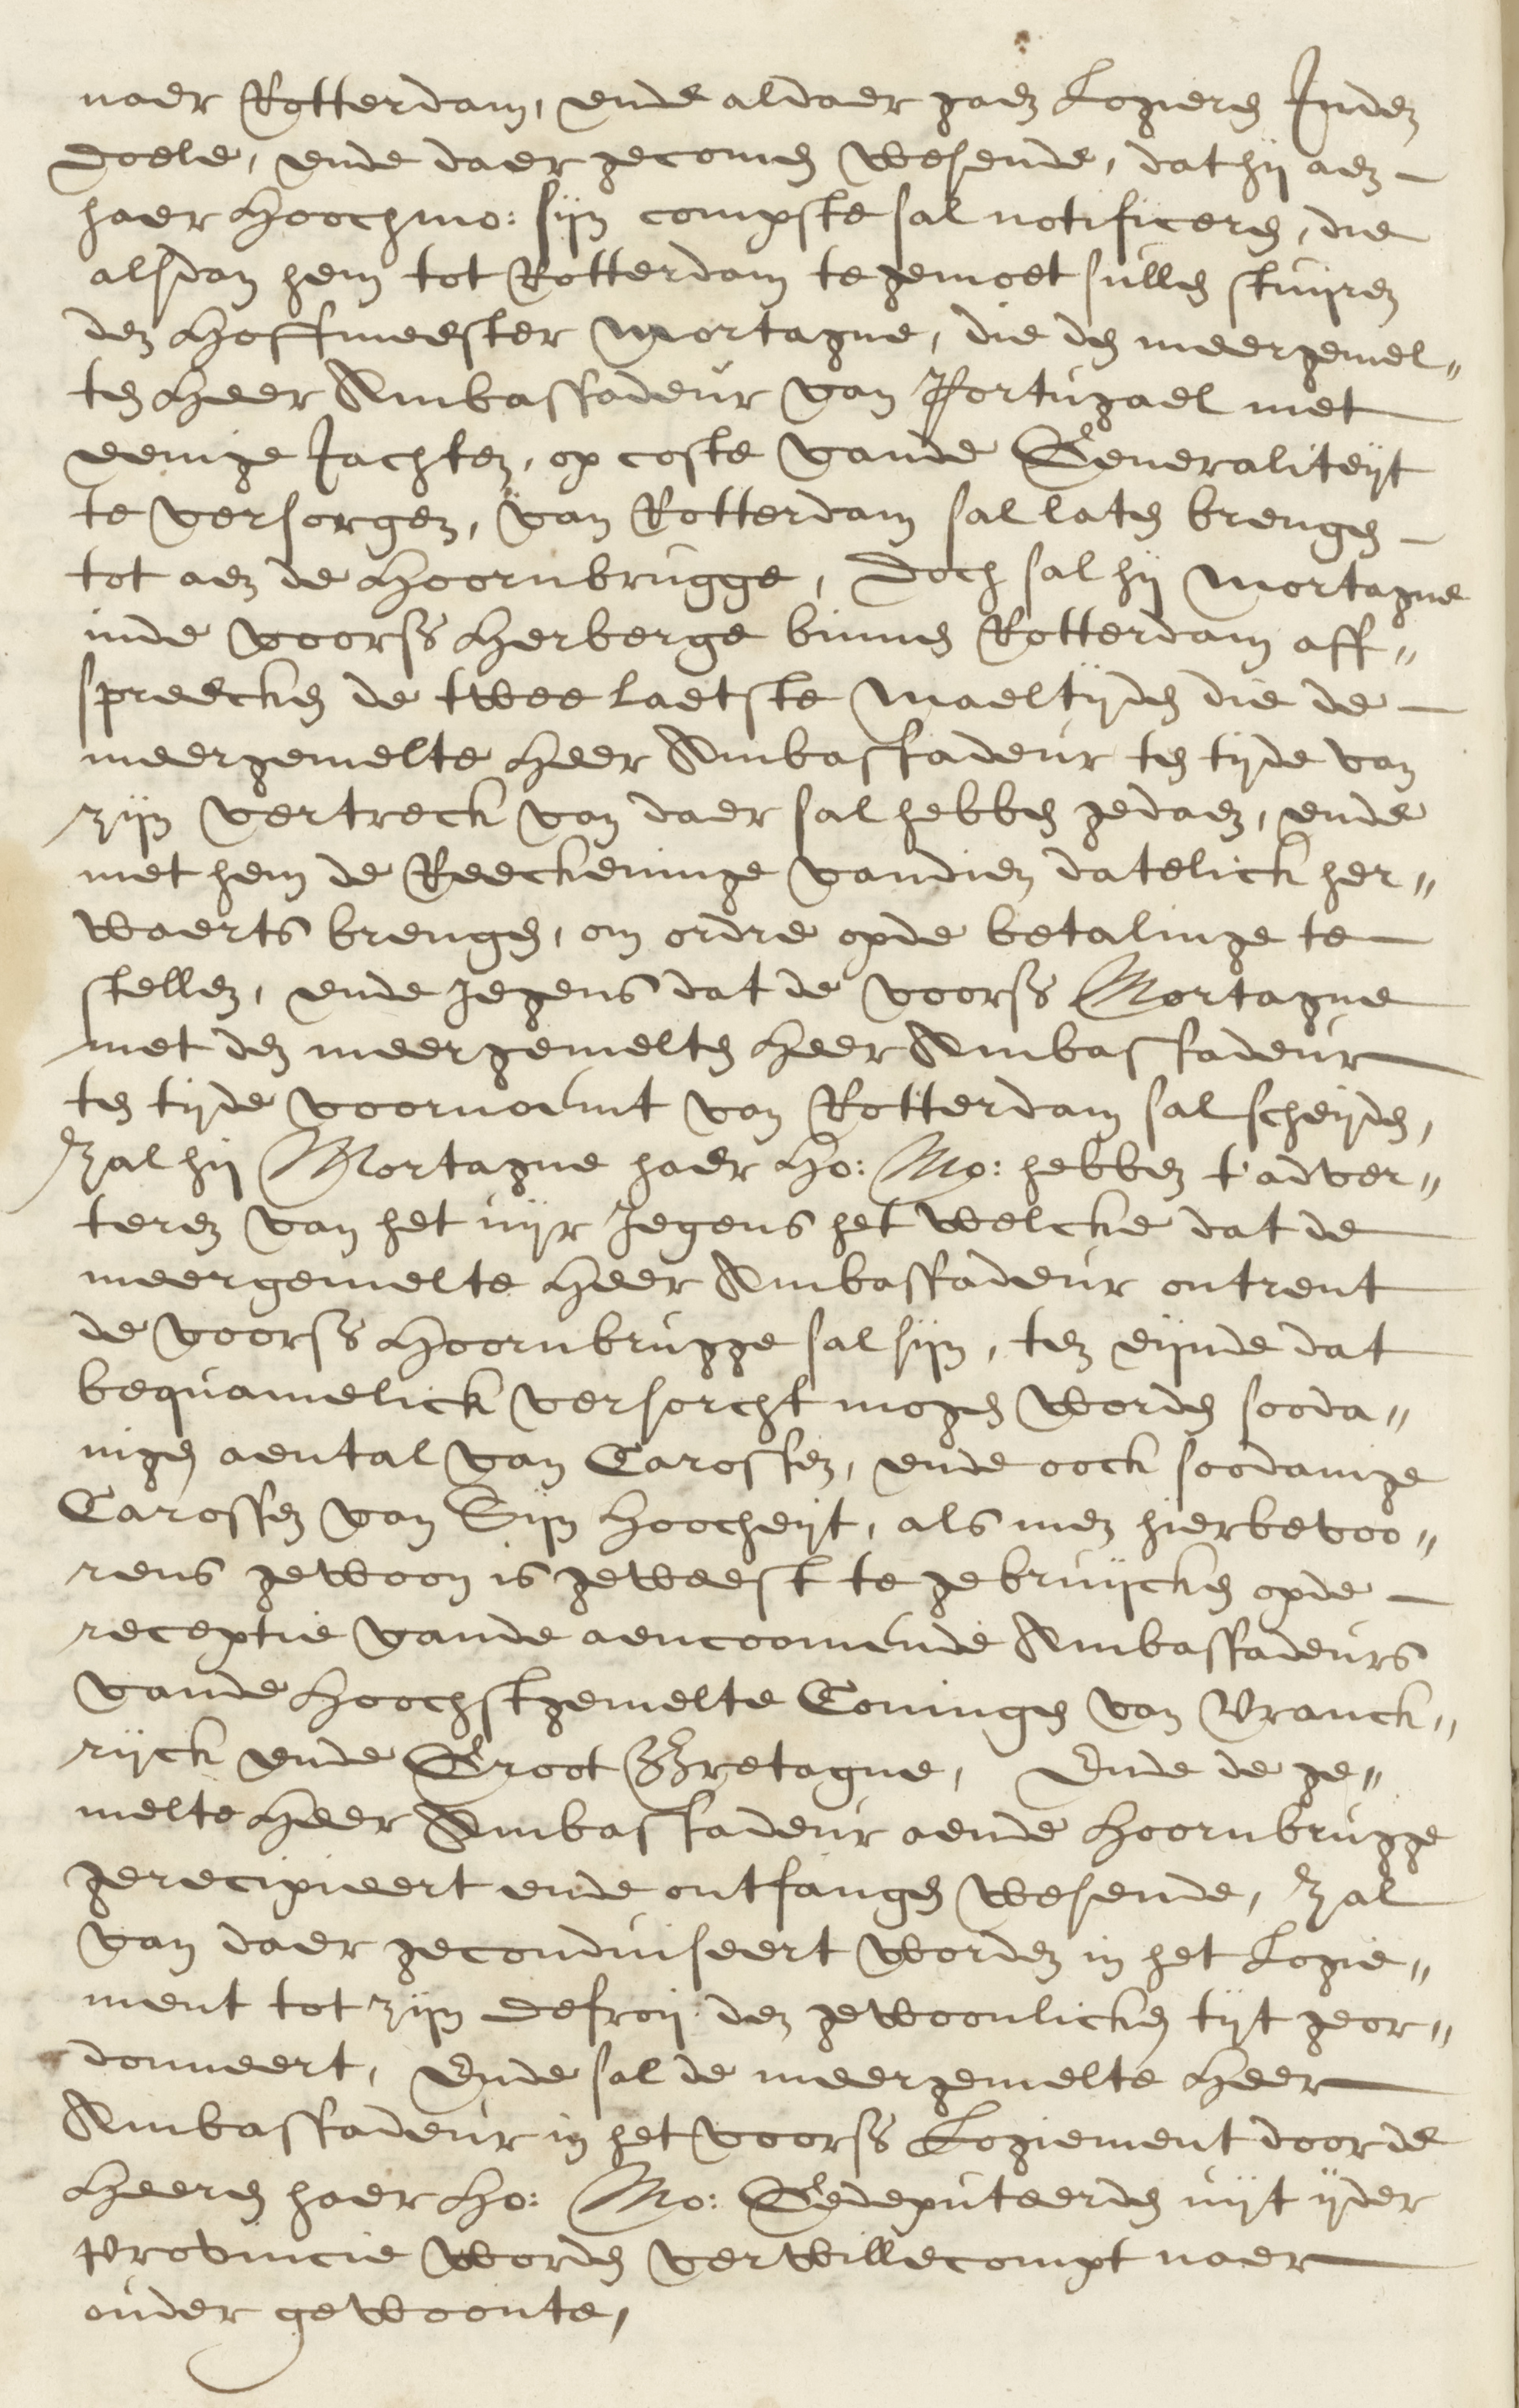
naer Rotterdam, ende aldaer gaen logieren Inden
Doele, ende daer gecomen wesende, dat hij aen —
haer Hoochmo: sijn compste sal notificeren, die
alsdan hem tot Rotterdam te gemoet sullen stuijren
den Hoffmeester Mortagne, die den meergemel„
te heer Ambassadeur van Portugael met
eenige Jachten, op coste vande Generaliteijt
te versorgen, van Rotterdam sal laten brengen -
tot aen de Hoornbrugge. Doch sal hij Mortagne
inde voorsz herberge binnen Rotterdam aff„
spreecken de twee laetste maeltijden die de —
meergemelte heer Ambassadeur ten tijde van
zijn vertreck van daer sal hebben gedaen, ende
met hem de Reeckeninge vandien datelick her„
waerts brengen, om ordre opde betalinge te
stellen, ende Jegens dat de voorsz Mortagne
met den meergemelten heer Ambassadeur
ten tijde voornoemt van Rotterdam sal scheijden,
zal hij Mortagne haer Ho:Mo: hebben t' adver„
teren van het uijr Jegens het welcke dat de
meergemelte heer Ambassadeur ontrent
de voorsz Hoornbrugge sal sijn, ten eijnde dat
bequaemelick versorcht mogen worden sooda„
nigen aental van Carossen, ende oock soodanige
Carossen van Sijn Hoocheijt, als men hierbevoo„
rens gewoon is geweest te gebruijcken opde —
receptie vande aencoomende Ambassadeurs
vande Hoochstgemelte Coningen van Vranck„
rijck ende Groot Bretagne. Ende de ge„
melte heer Ambassadeur aende Hoornbrugge
gerecipieert ende ontfangen wesende, zal
van daer geconduiseert worden in het Logie„
ment tot zijn defroy den gewoonlicken tijt geor„
donneert. Ende sal de meergemelte heer
Ambassadeur in het voorsz Logiement door de
heeren haer Ho: Mo: Gedeputeerden uijt ijder
provincie worden verwillecompt naer
ouder gewoonte.
